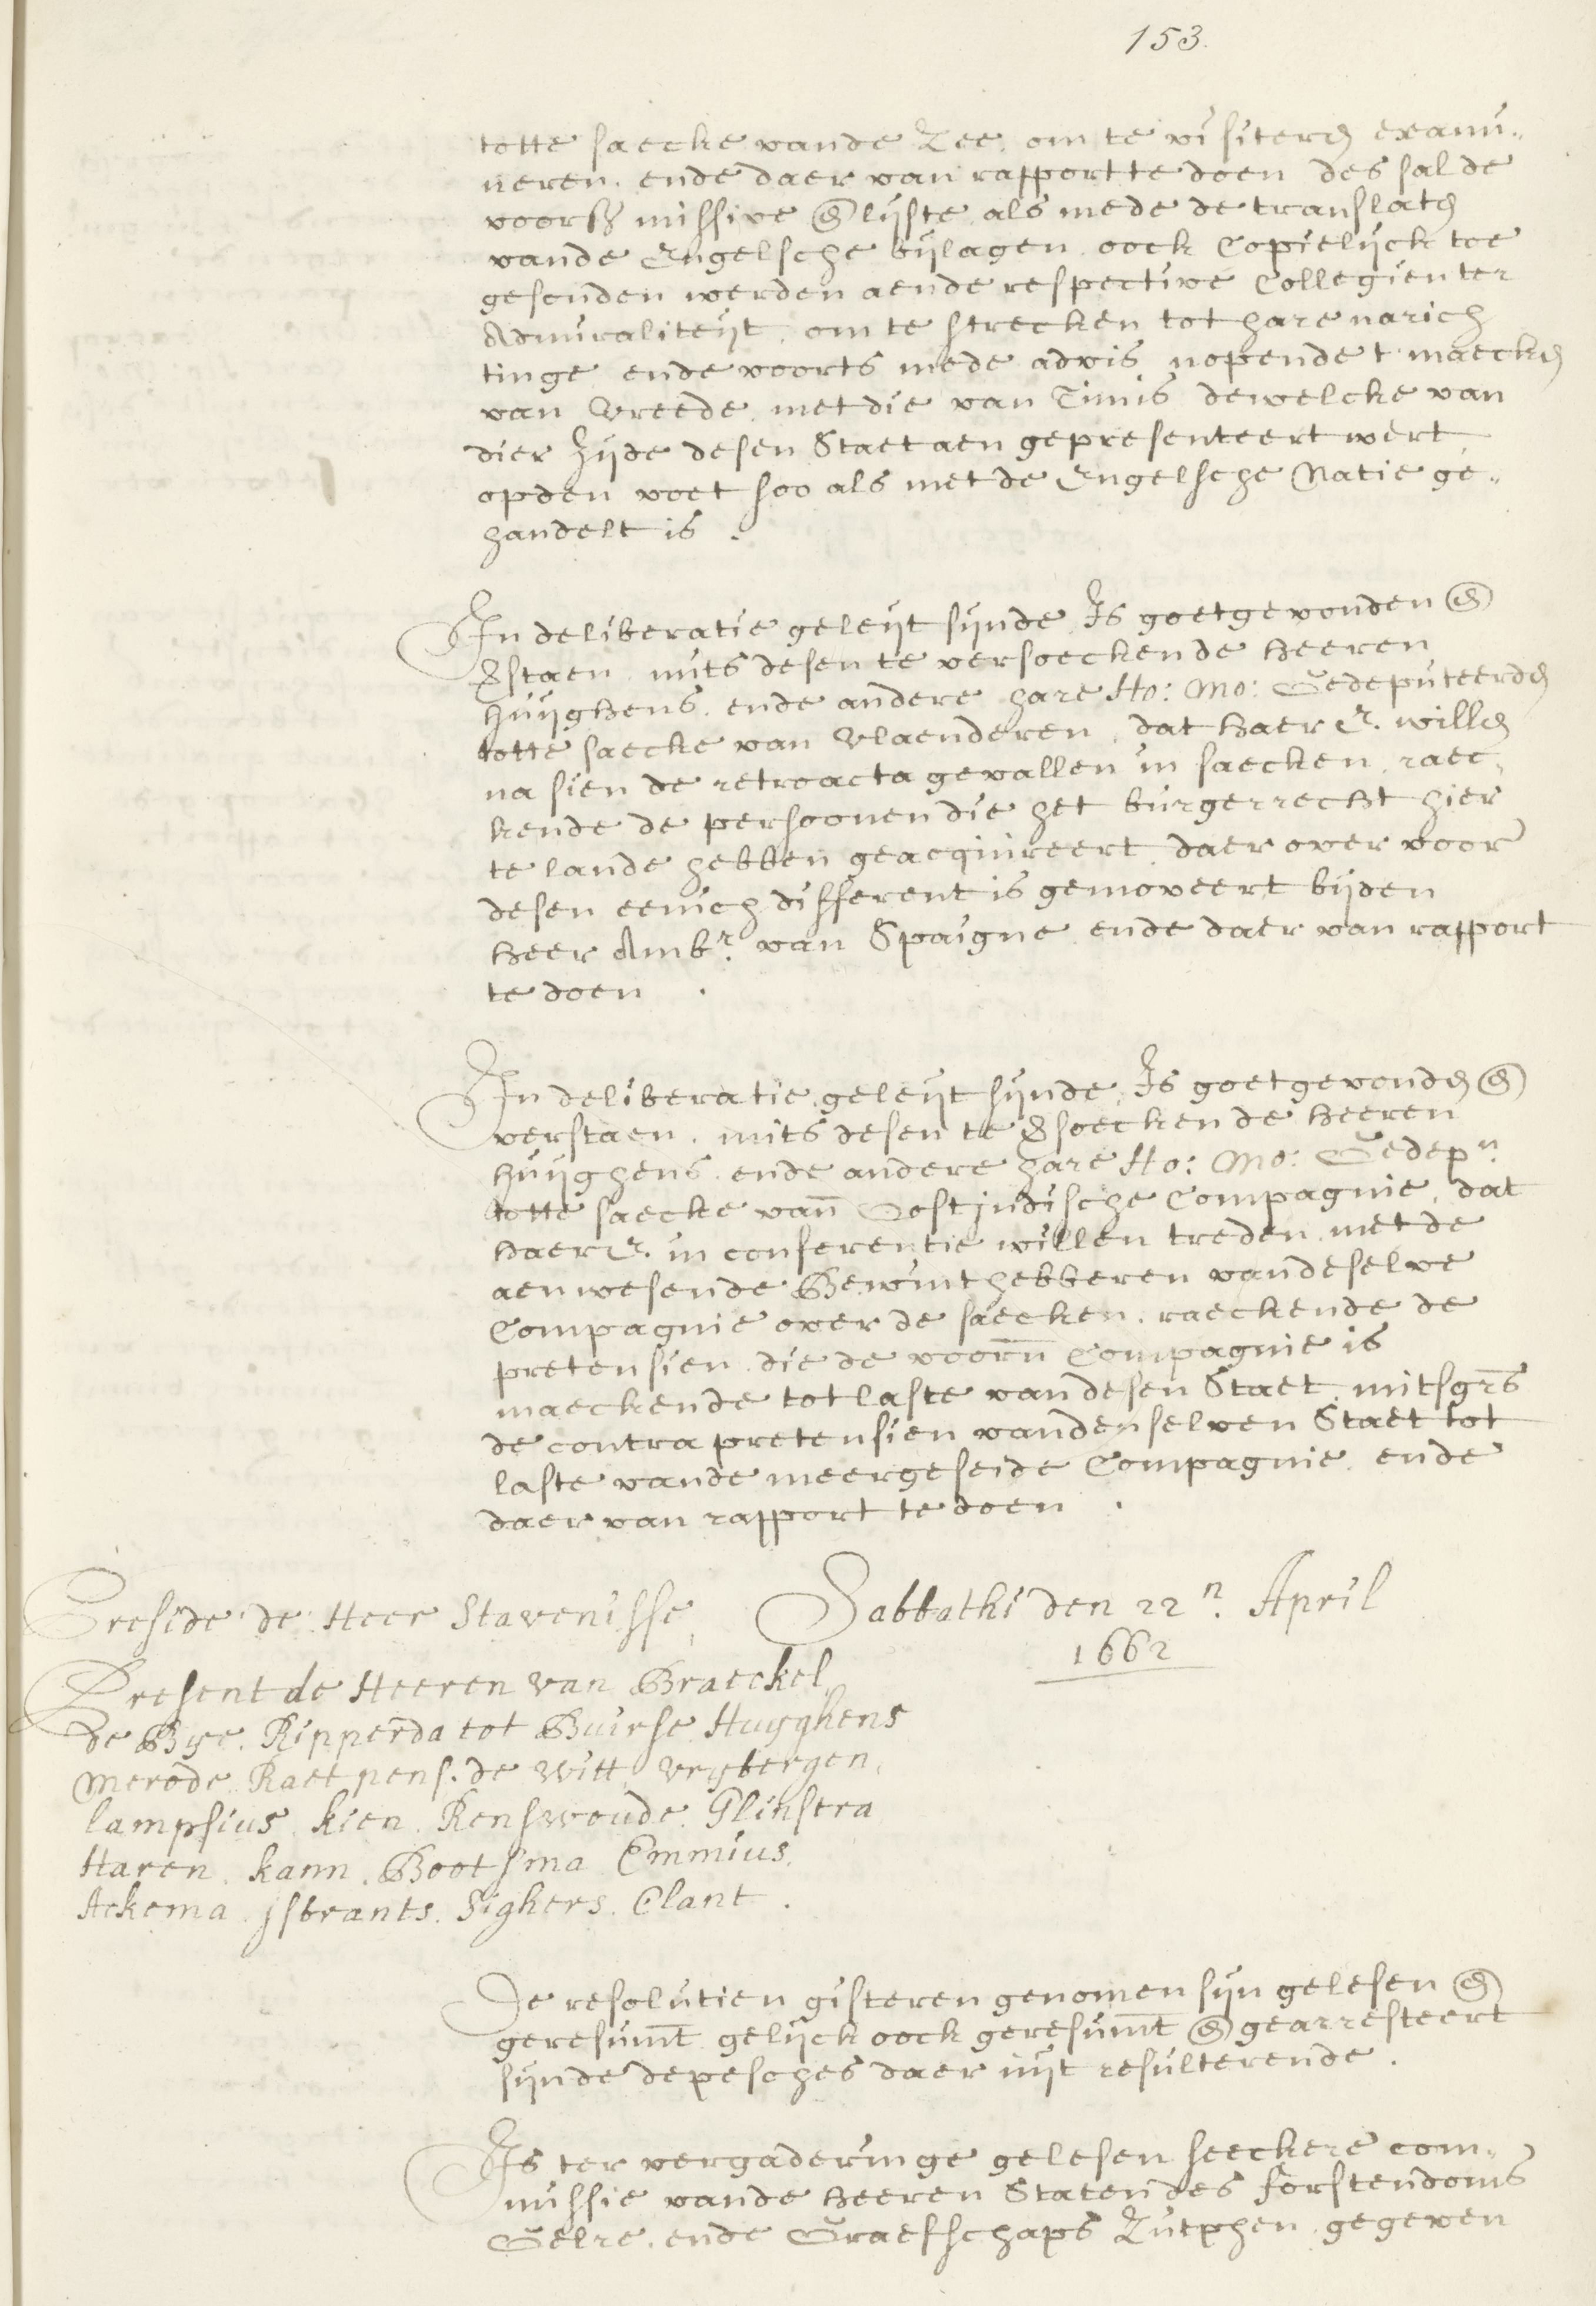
153.
totte saecke vande Zee, om te visiteren exami,,
neren, ende daer van rapport te doen des sal de
voors missive & lijste als mede de translaten
vande Engelsche bijlagen, oock copielijck toe
gesonden werden aende respective Collegien ter
Admiraliteijt, om te strecken tot hare narich
tinge ende voorts mede advis nopende t‛maecken
van Vreede, met die van Tunis dewelcke van
dier zijde desen Staet aen gepresenteert wert,
opden voet soo als met de Engelsche Natie ge,,
handelt is.
In deliberatie geleijt sijnde, Is goetgevonden &
vstaen, mits desen te versoecken de heeren
huijghens ende andere hare Ho:Mo: Gedeputeerden
totte saecke van Vlaenderen, dat haer E. willen
na sien de retroacta gevallen in saecken, raec,,
kende de persoonen die het burgerrecht hier
te lande hebben geacquireert, daer over voor
desen eenich different is gemoveert bijden
heer Ambr. van Spaigne, ende daer van rapport
te doen.
In deliberatie geleijt sijnde, Is goetgevonden &
verstaen, mits desen te vsoecken de heeren
huijghens, ende andere hare Ho:Mo: Gedepn.
totte saecke van Oostindische Compagnie, dat
haer E. in conferentie willen treden, met de
aenwesende Bewinthebberen van deselve
Compagnie over de saecken, raeckende de
pretensien, die de voorn compagnie is
maeckende tot laste van desen Staet mitsgrs
de contra pretensien vanden selven Staet tot
laste vande meergeseide Compagnie, ende
daer van rapport te doen
Sabbathi den 22n. April
1662
Preside de Heer Stavenisse,
Present de Heeren van Braeckel,
de Bye, Ripperda tot Buirse Huyghens
Merode, Raetpens. de witt, vrijbergen,
lampsius, kien, Renswoude, Glinstra
Haren, kann, Bootsma, Emmius,
Ackema, isbrants, Sighers, Clant.
De resolutien gisteren genomen sijn gelesen &
geresumt gelijck oock geresumt & gearresteert
sijn de depesches daer uijt resulterende
Is ter vergaderinge gelesen seeckere com,,
missie van de heeren Staten des forstendoms
Gelre, ende Graefschaps Zutphen, gegeven
